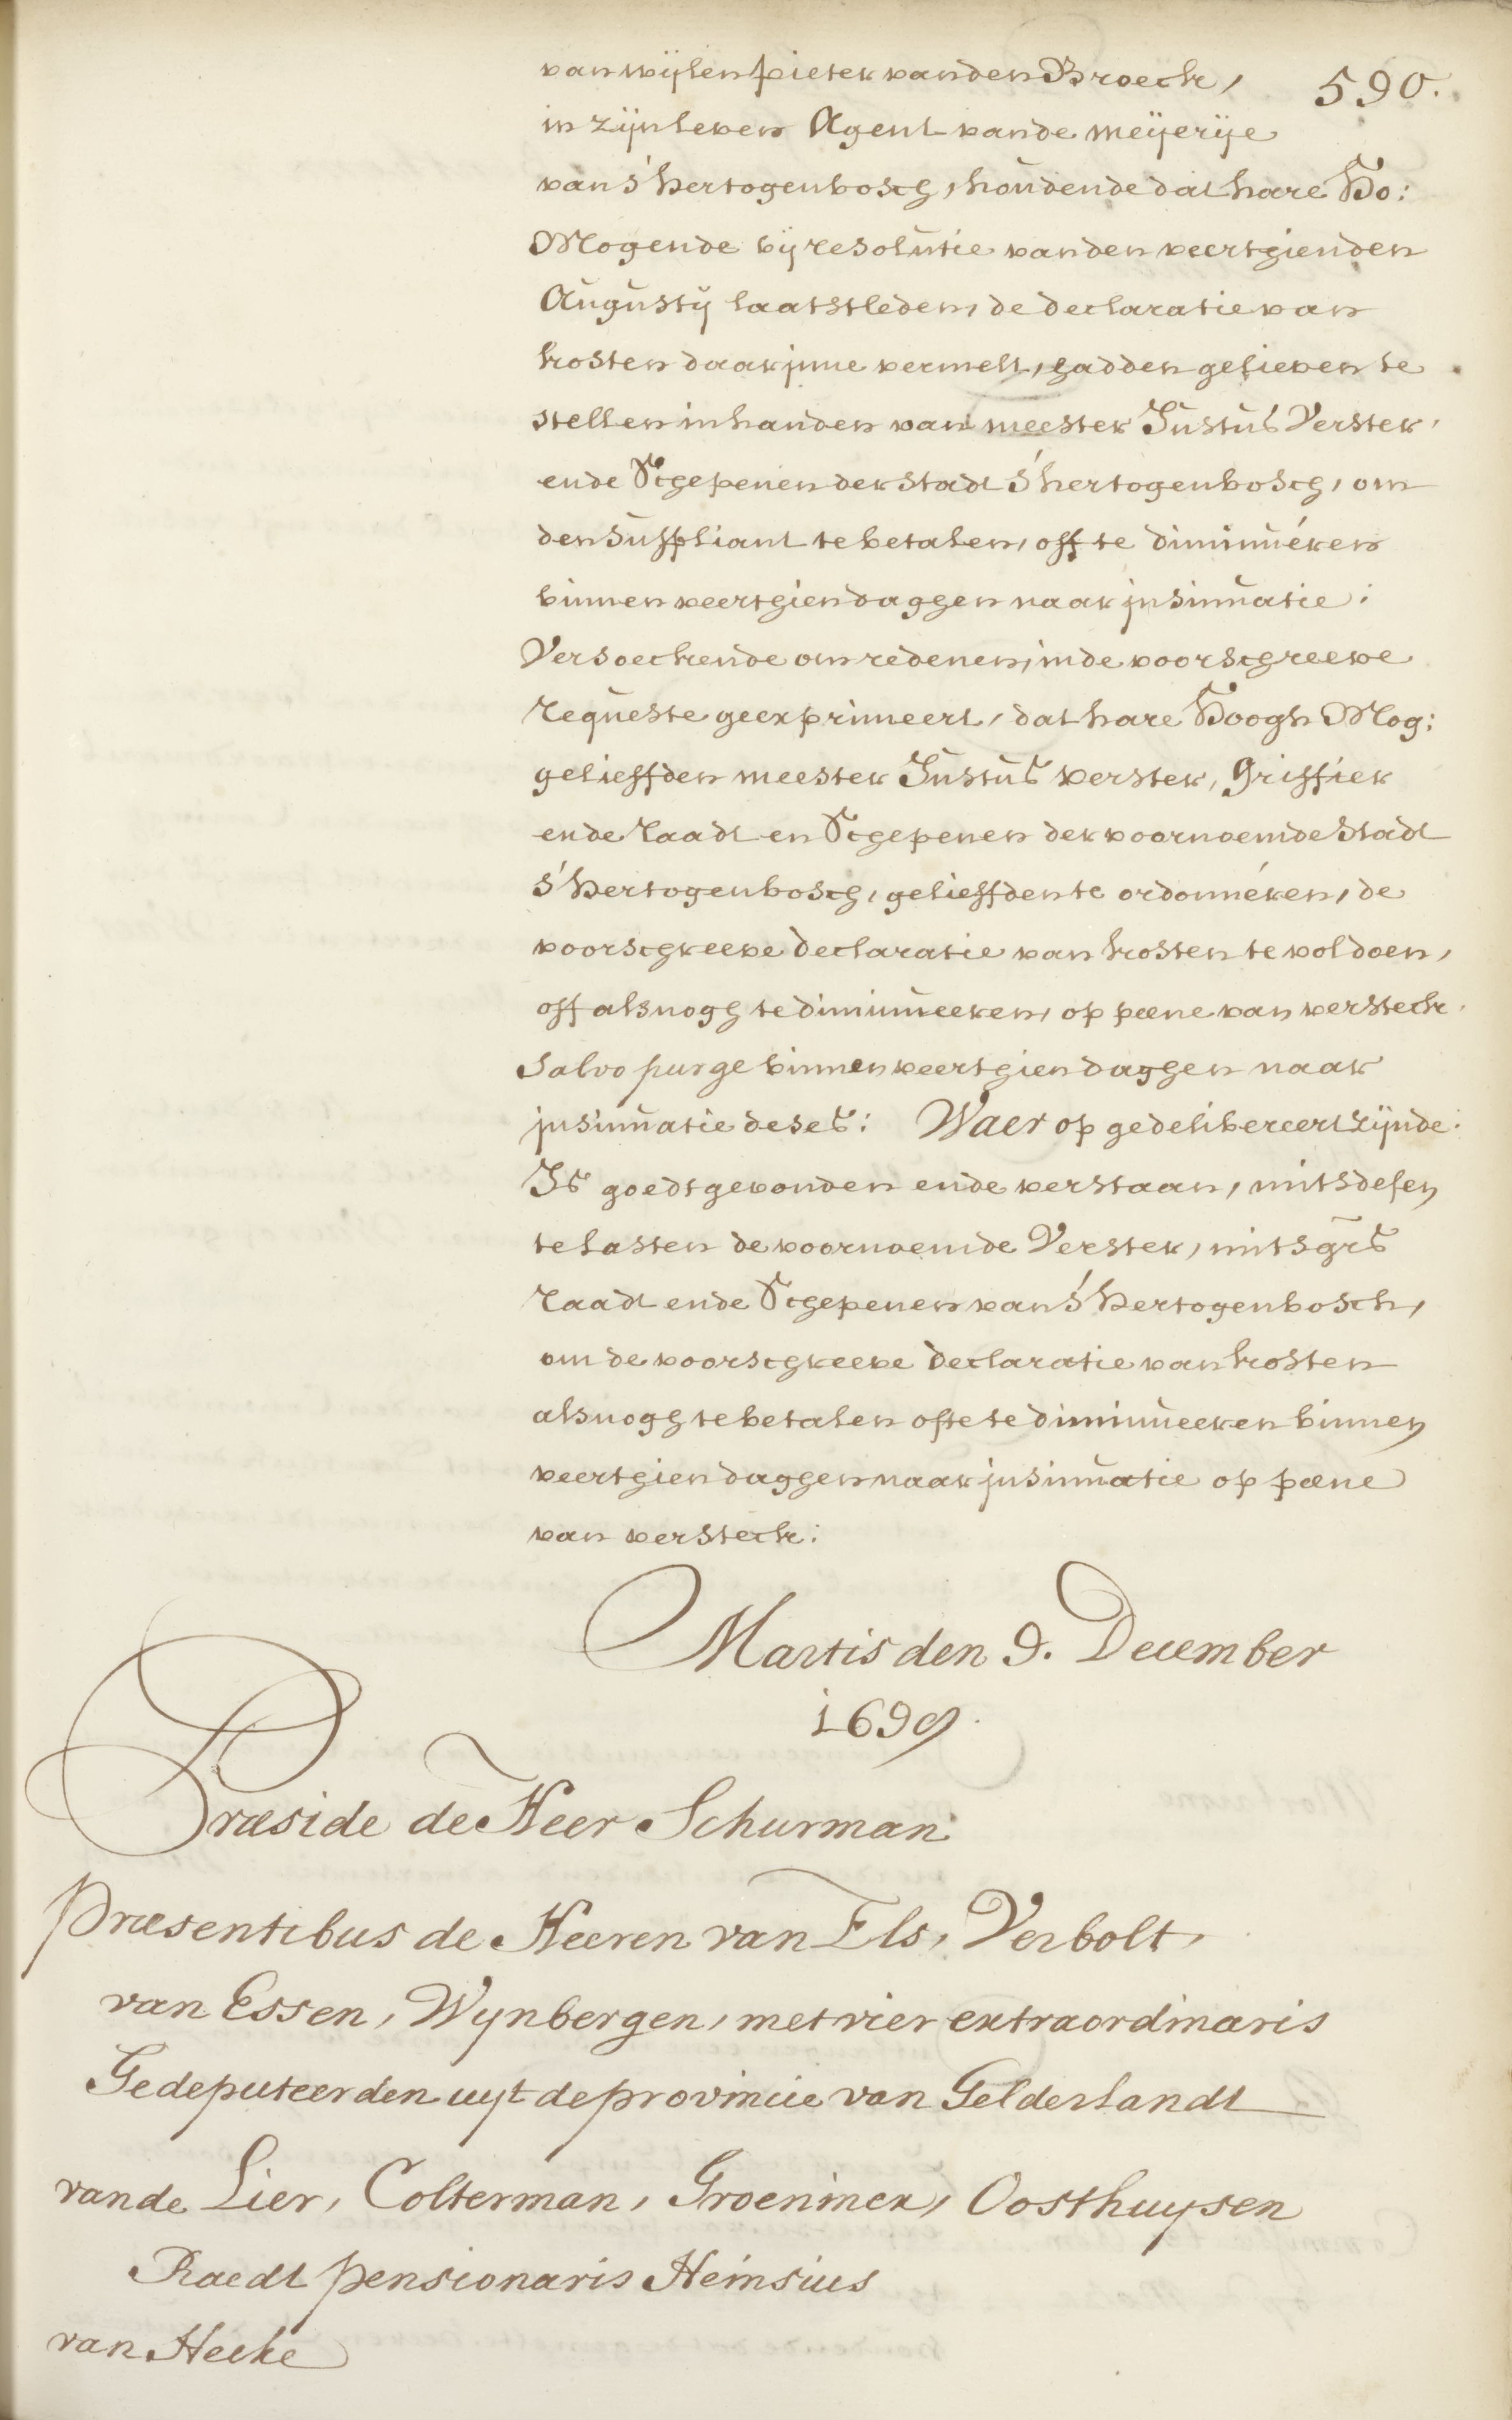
590
van wijlen Pieter vanden Broeck,
in zijn leven agent van de Meijerije
van s'Hertogenbosch, houdende al haere Ho:
Mogende bij resolutie van den veerthienden
Augustij laatstleden de declaratie van
kosten daarinne vermelt, hadden gelieven te
stellen in handen van meester Justus Verster,
ende Schepenen der stadt s'Hertogenbosch, om
den suppliant te betalen, off te diminueren
binnen veertien daghen naar insinuatie:
Versoeckende om redenen, in de voorschreeve
requeste geexprimeert, dat hare Hoogh Mog:
gelieffden meester Justus Verster, griffier
ende raadt en Schepenen der voornoemde stadt
s'Hertogenbosch, gelieffden te ordonneren, de
voorschreeve declaratie van kosten te voldoen,
off alsnogh te diminueeren, op peene van versteck,
salvo purge binnen veerthien daghen naar
insinuatie deses: Waer op gedelibereert zijnde,
Is goedt gevonden ende verstaen, mitsdesen
te lasten de voornoemde Verster, mitsgrs
raadt ende Schepenen van s'Hertogenbosch,
om de voorschreeve declaratie van kosten
alsnogh te betalen ofte diminueeren binnen
veerthien daghen naar insinuatie op peene
van versteck:
Martis den 9. December
1698
Preside de Heer Schurman
Presentibus de Heeren van Els, Verbolt,
van Essen, Wynbergen, met vier extraordinaris
Gedeputeerden uyt de provincie van Gelderlandt
van de Lier, Colterman, Groenincx, Oosthuysen
Raedt pensionaris Heinsius
van Hecke
